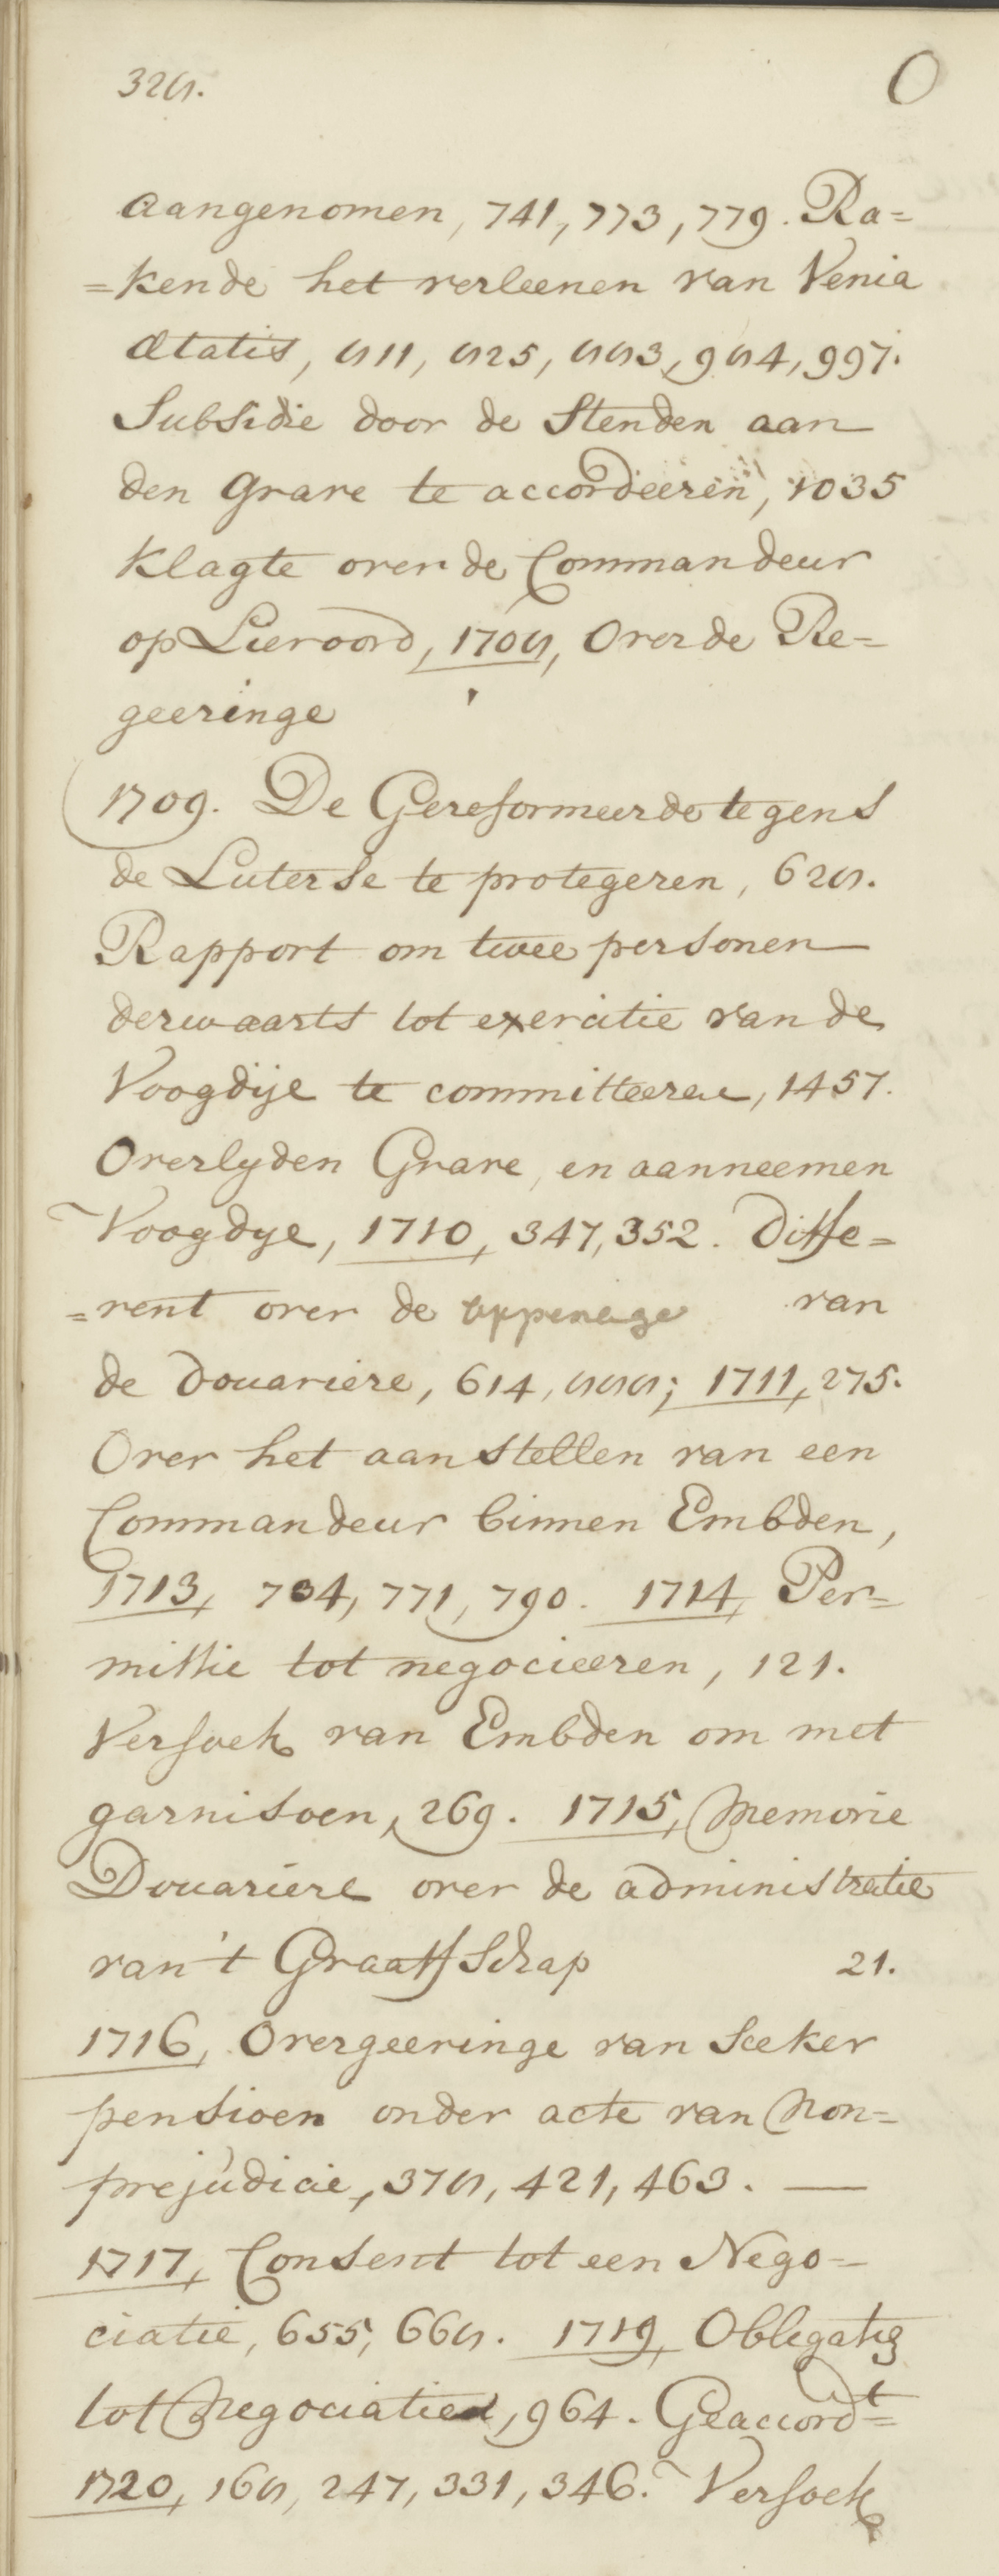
328
O
aangenomen 741, 770, 779 Ra„
kende het verleenen van Venia
ætatis, 811, 825, 883, 984, 997.
Subsidie door de Stenden aan
den grave te accordeeren, 1035.
Klagte over de Commandeur
op Lieroord, 1708 Over de Re„
geeringe.
1709. De Gereformeerde tegens
de Luterse te protegeren, 628.
Rapport om twee personen
derwaarts tot exercitie van de
Voogdije te committeeren, 1457.
Overlijden Grave en aanneemen
Voogdije, 1710, 347, 352. diffe„
rent over de appenage van
de douariere, 614, 888; 1711, 275.
Over het aanstellen van een
Commandeur binnen Embden,
1713, 704, 771, 790. 1714. Per„
missie tot negocieeren, 121.
Versoek van Embden om met
garnisoen, 269. 1715, Memorie
Douariere over de adminstratie
van 't Graeffschap 21.
1716, Overgeevinge van seeker
pensioen onder acte van non-
prejudicie, 378, 421, 463. ¬
1717. Consent tot een nego„
ciatie, 655, 668. 1719, Obiligatien
tot negociatie, 964, Geaccort
1720, 168, 247, 331, 346. Versoek
